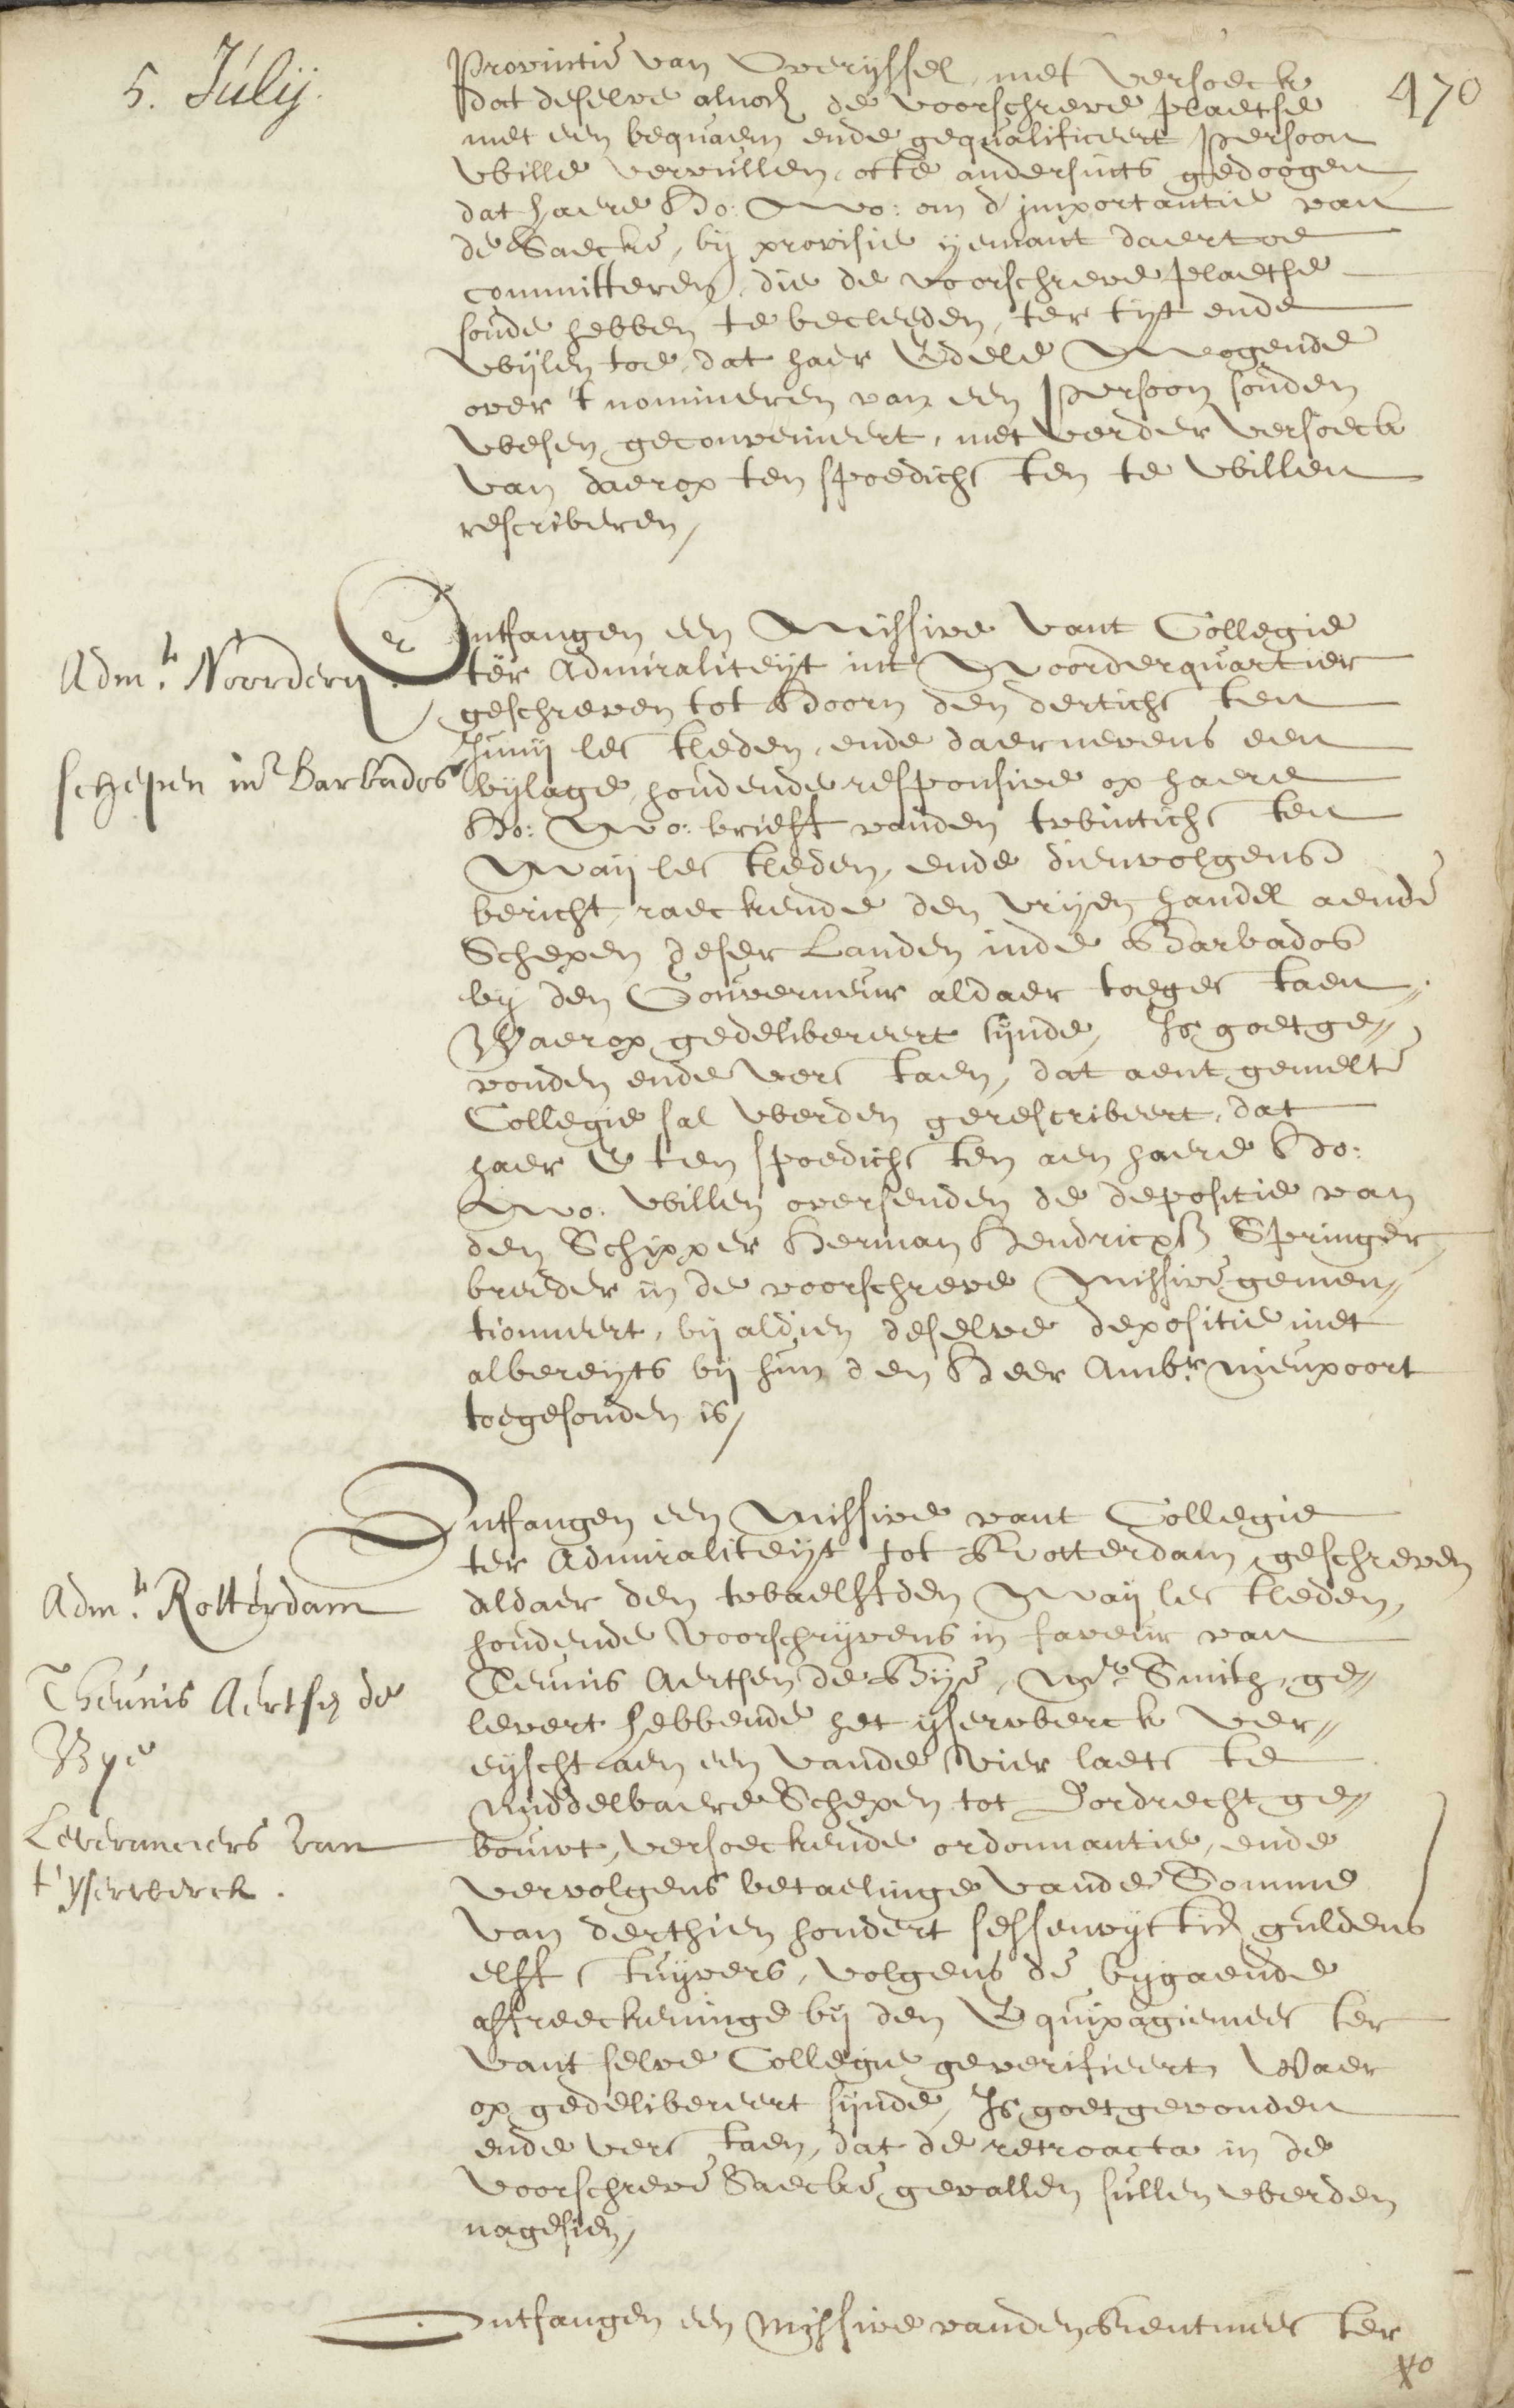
470
5. Julij.
Provintie van Overijssel, met versoeck
dat deselve alnoch de voorschreve plaetse
met een bequaem ende gequalificeert persoon
wille vervullen, ofte andersints gedoogen
dat haere Ho:Mo: om d‛importantie van
de Saecke, bij provisie ijemant daertoe
committeren, die de voorschreve plaetse
soude hebben te becleeden, ter tijt ende
wijlen toe, dat haer Edele Mogende
over ‛t nomineren van een persoon souden
wesen geconvenieert, met verder versoeck
van daerop ten spoedichsten te willen
rescriberen.
Admt. Noorderqr.
Schepen in Barbados
Ontfangen een Missive vant Collegie
ter Admiraliteijt int Noorderquartier
geschreven tot Hoorn den dertichsten
Junij lestleden, ende daernevens een
bijlage, houdende responsive op haere
Ho:Mo: brieff vanden twintichsten
Maij lestleden ende dienvolgens
bericht, raeckende den vrijen handel aende
Schepen deser Landen inde Barbados
bij den Gouverneur aldaer toegestaen.
Waerop gedelibereert sijnde, Is goetge„
vonden ende verstaen, dat aent gemelte
Collegie sal werden gerescribeert, dat
haer E ten spoedichsten aen haere Ho:
Mo: willen oversenden de depositie van
den Schipper Herman Hendricxz Springer,
breeder in de voorschreve Missive gemen„
tionneert, bij aldien deselve depositie niet
albereijts bij hun den Heere Ambr. Nieupoort
toegesonden is.
Admt. Rotterdam
Theunis Aertsen de
Bye
Leveranciers van
t‛ Yserwerck.
Ontfangen een Missive vant Collegie
ter Admiraliteijt tot Rotterdam, geschreven
aldaer den twaelffden Maij lestleden,
houdende voorschrijvens in faveur van
Teunis Aertsen de Bije, Mr. Smith, ge„
levert hebbende het ijserwerck ver„
eijscht aen een vande vier laetste
middelbaere Schepen tot Dordrecht ge„
bouwt, versoeckende ordonnantie, ende
vervolgens betaelinge vande Somme
van derthien hondert sessenvijftich guldens
elff stuijvers, volgens de bijgaende
affreeckeninge bij den Equipagiemeester
vant selve Collegie geverifieert, Waer
op gedelibereert sijnde, Is goetgevonden
ende verstaen, dat de retroacta in de
voorschreve Saecke gevallen sullen werden
nagesien.
Ontfangen een missive vanden rentmeester
